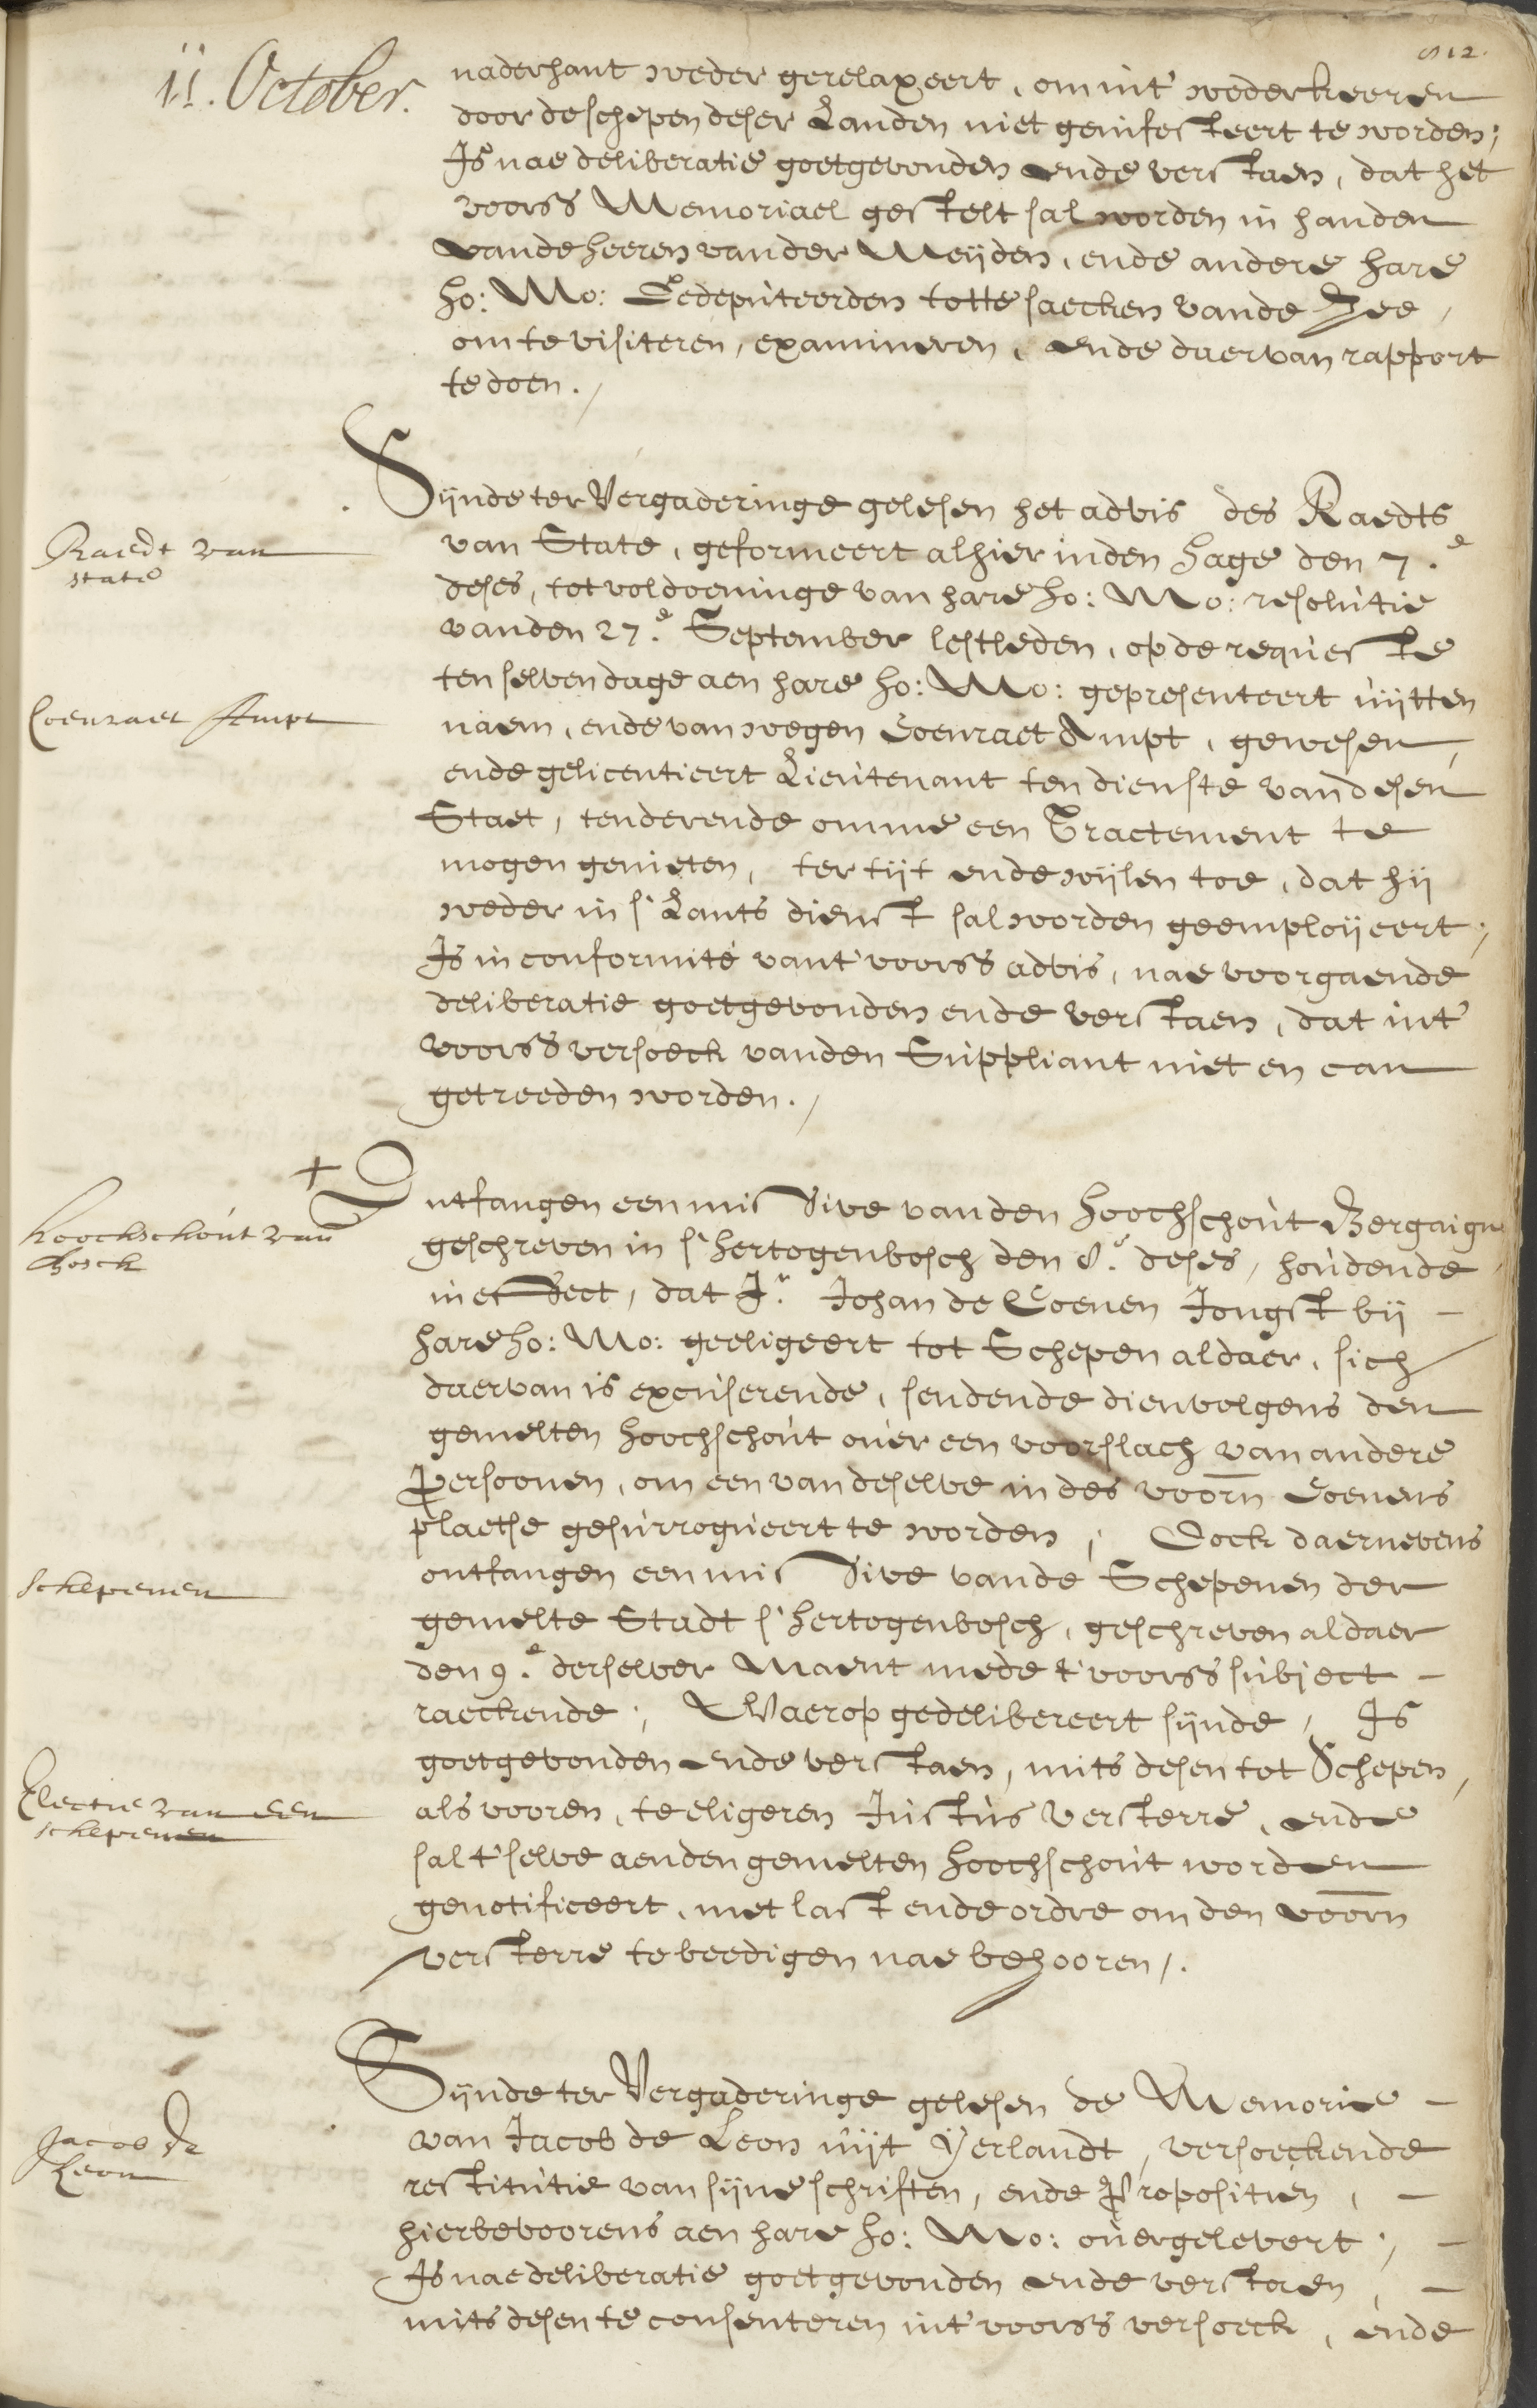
11. October.
812.
naderhant weder gerelaxeert, om int' wederkeeren
door de schepen deser Landen niet geinfesteert te worden;
Is nae deliberatie goetgevonden ende verstaen, dat het
voorsz Memoriael gestelt sal worden in handen
vande heeren van der Meijden, ende andere hare
Ho:Mo: Gedeputeerden totte saecken vande Zee,
om te visiteren, examineren, ende daervan rapport
te doen.
Raedt van
state
Coenraet Ampt
Sijnde ter Vergaderinge gelesen het advis des Raedts
van State, geformeert alhier in den Hage den 7e.
deses, tot voldoeninge van hare Ho:Mo: resolutie
van den 27e. September lestleden, op de requeste
ten selven dage aen hare Ho:Mo: gepresenteert uijtten
naem, ende van wegen Coenraet Ampt, gewesen
ende gelicentieert Lieutenant ten dienste van desen
Staet, tenderende omme een Tractement te
mogen genieten, ter tijt ende wijlen toe, dat hij
weder in s'Lants dienst sal worden geemploijeert;
Is in conformité vant' voorsz advis, nae voorgaende
deliberatie goetgevonden end verstaen, dat int'
voorsz versoeck vanden Suppliant niet en can
getreeden worden.
Hoochschout van
Bosch
Schepenen
Electie van een
schepenen
Ontfangen een missive van den Hoochschout Bergaigne
geschreven in s'hertogenbosch den 8e. deses, houdende
in effect, dat Jr. Johan de Coenen Jongst bij
hare ho:Mo: geeligeert tot Schepen aldaer, sich
daervan is excuserende, sendende dienvolgens den
gemelten hoochschout ouer een voorslach van andere
Persoonen, om een van deselve in des voorn Coenens
plaetse gesurrogueert te worden; Oock daernevens
ontfangen een missive van de Schepenen der
gemelte Stadt s'hertogenbosch, geschreven aldaer
den 9e. derselver Maent mede t' voorsz subject
raeckende; Waerop gedelibereert sijnde, Is
goetgevonden ende verstaen, mits desen tot Schepen
als vooren, te eligeren Justus versterre, ende
sal t'selve aen den gemelten Hoochschout worden
genotificeert, met last ende ordre om den voorn
versterre te beedigen nae behooren.
Jacob de
Leon
Sijnde ter Vergaderinge gelesen de Memorie
van Jacob de Leon uijt Yerlandt, versoeckende
restitutie van sijne schriften, ende Propositien,
hierbevoorens aen hare Ho:Mo: ouergelevert;
Is nae deliberatie goetgevonden ende verstaen,
mits desen te consenteren int' voorsz versoeck, ende
